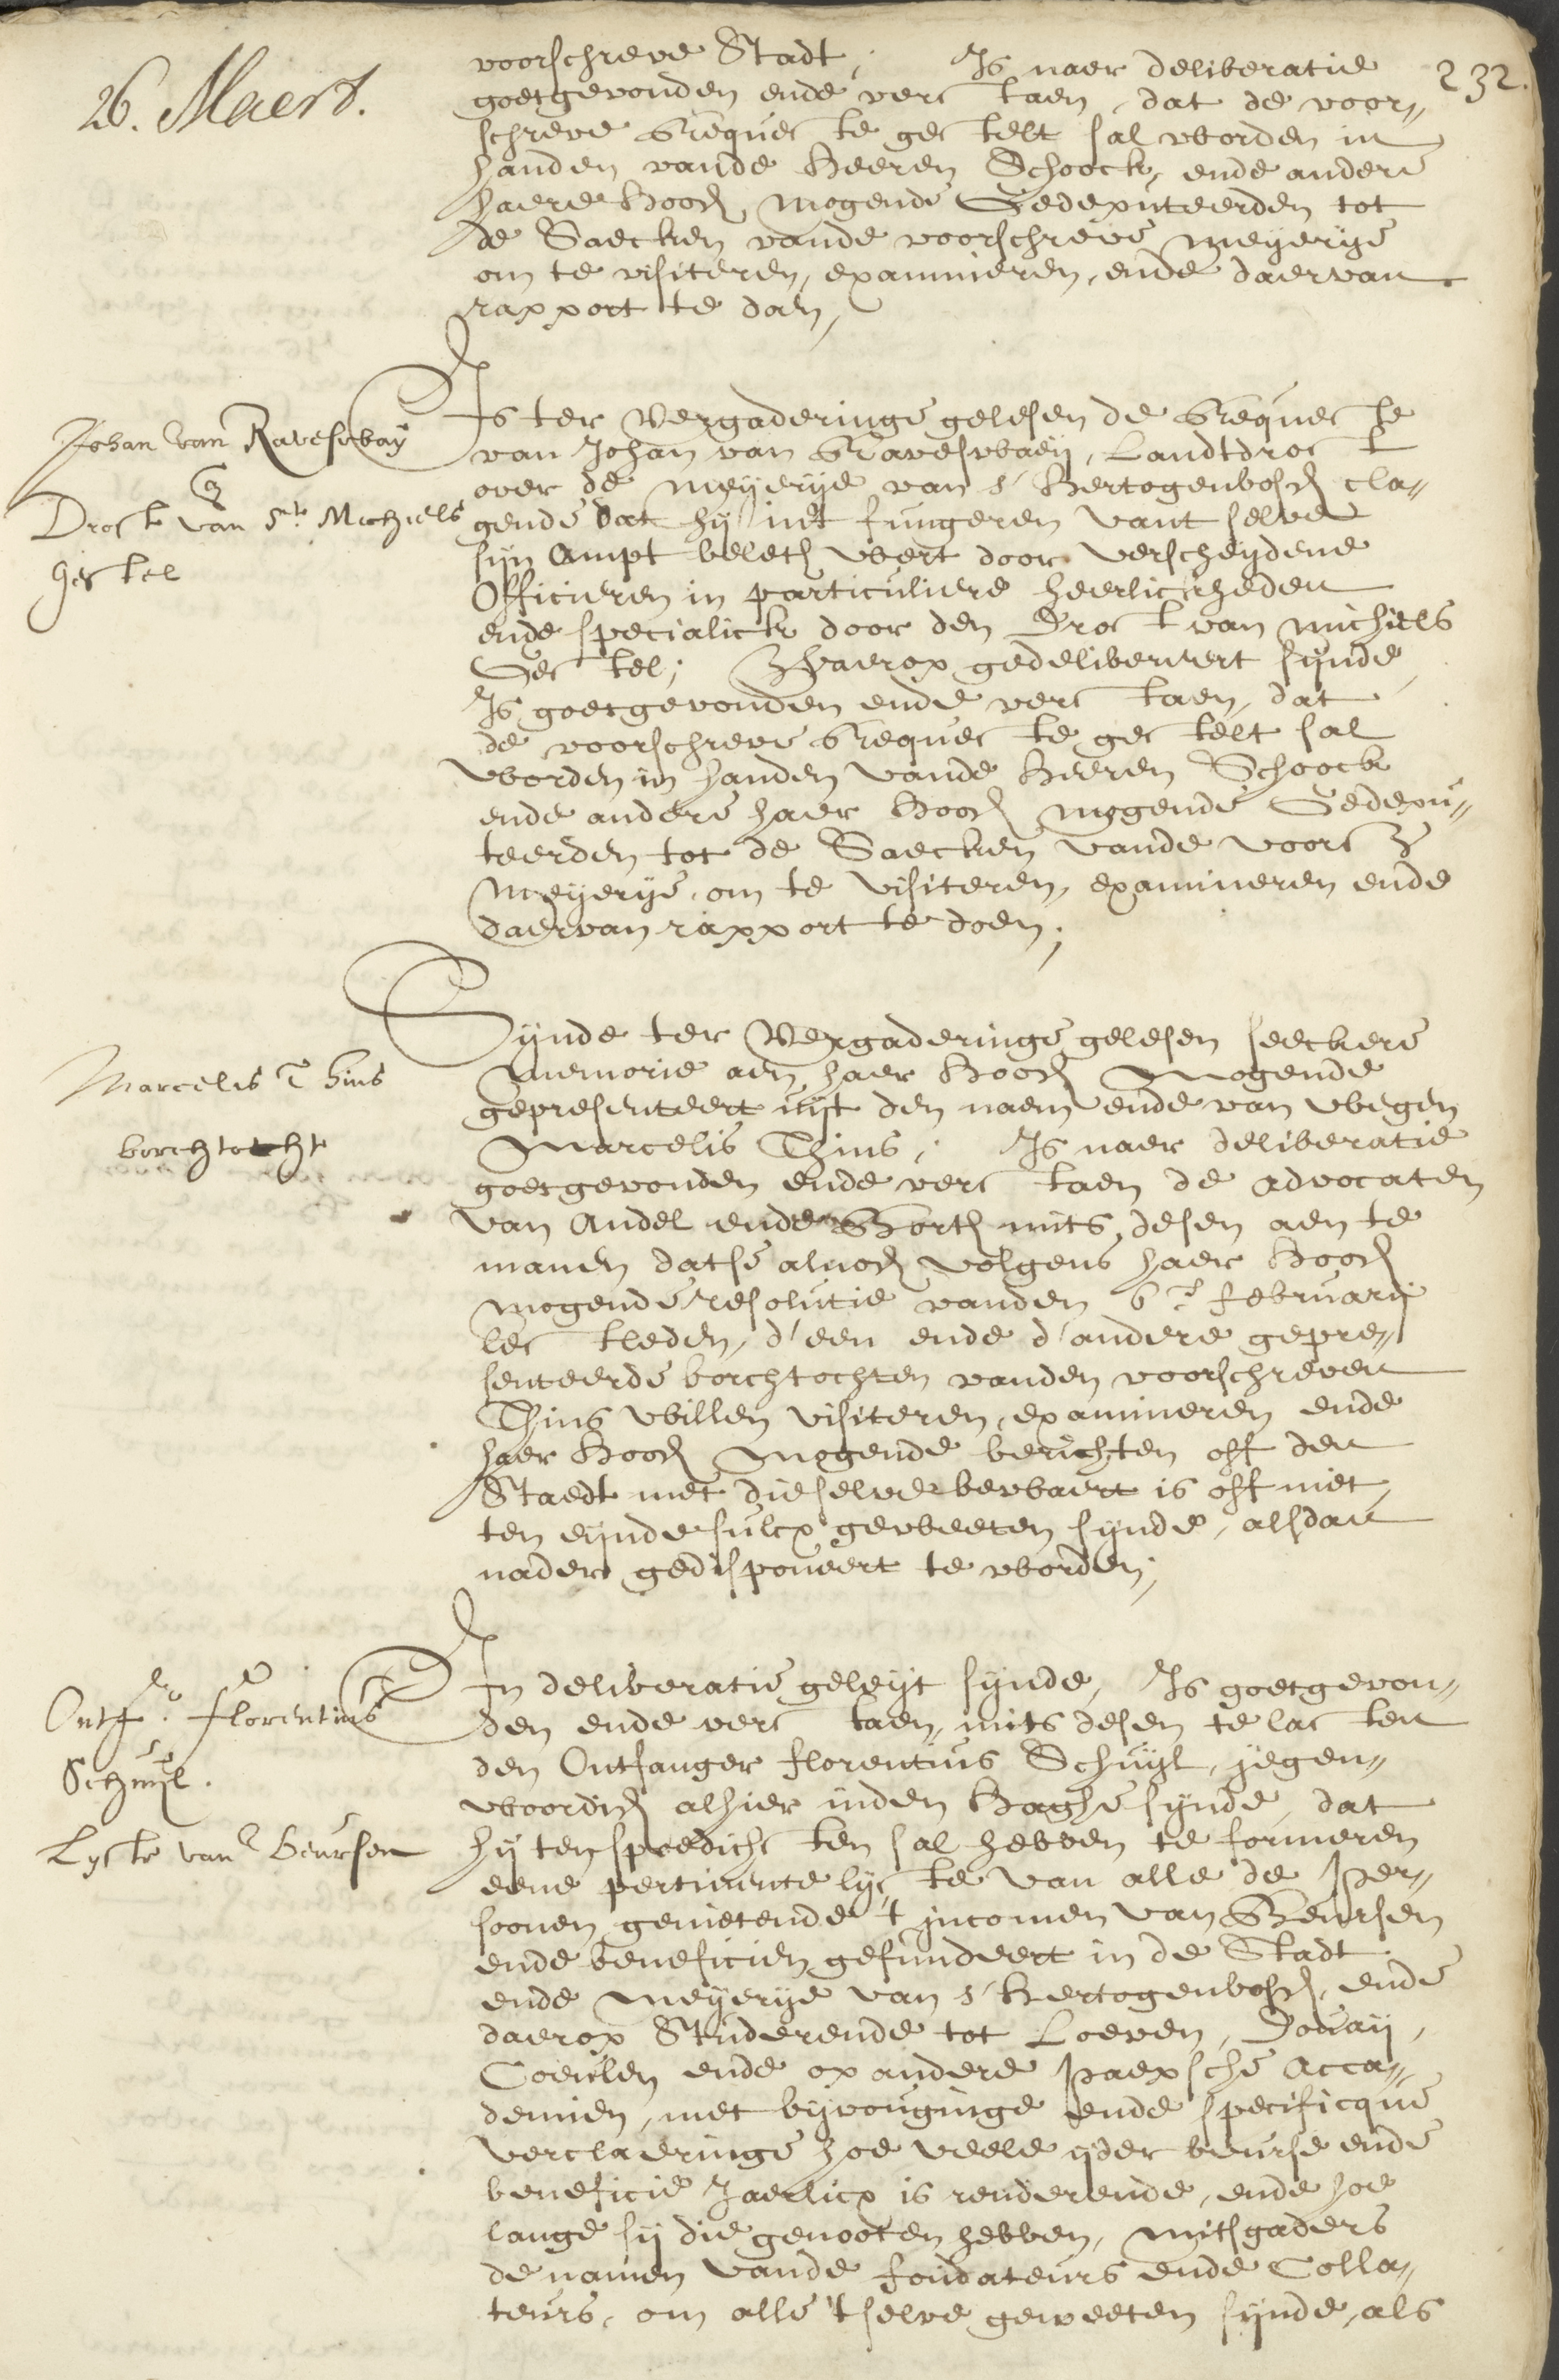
232.
26. Maert.
voorschreve Stadt; Is naer deliberatie
goetgevonden ende verstaen, dat de voor„
schreve Requeste gestelt sal worden in
handen vande Heeren Schoock, ende andere
haere Hooch Mogende Gedeputeerden tot
de Saecken vande voorschreve meijerije
om te visiteren, examineren, ende daervan
rapport te doen.
Johan van Ravesway
ca. Drost van St. Michiels„
gestel
Is ter Vergaderinge gelesen de Requeste
van Johan van Raveswaeij, Landtdrost
over de Meijerije van s' Hertogenbosch, cla,,
gende dat hij int fungeren vant selve
sijn Ampt beleth wert door verscheijdene
Officieren in particuliere heerlickheden
ende specialick door den Drost van Michiels
Gestel; Waerop gedelibereert sijnde,
Is goetgevonden ende verstaen, dat
de voorschreve Requeste gestelt sal
worden in handen vande Heeren Schoock
ende andere haer Hooch Mogende Gedepu„
teerden tot de Saecken vande voors.
meijerije, om te visiteren, examineren ende
daervan rapport te doen.
Marcelis Thins
borchtocht
Sijnde ter Vergaderinge gelesen seeckere
memorie aen haer Hooch Mogende
gepresenteert uijt den naem ende van wegen
Marcelis Thins; Is naer deliberatie
goetgevonden ende verstaen de advocaten
van Andel ende Borth mits desen aen te
manen datse alnoch volgens haer Hooch
Mogende resolutie vanden 6e februarij
lestleden, d‛een ende d'andere gepre„
senteerde borchtochten vanden voorschreven
Thins willen visiteren, examineren ende
haer Hooch Mogende berichten off den
Staedt met dieselve bewaert is off niet,
ten eijnde sulcx geweeten sijnde, alsdan
nader gedisponeert te worden.
Ontfr. Florentius
Schuijl.
Lyste van Beursen
In deliberatie geleijt sijnde, Is goetgevon„
den ende verstaen, mits desen te lasten
den Ontfanger Florentius Schuijl, jegen„
woordich alhier inden Haghe sijnde, dat
hij ten spoedichsten sal hebben te formeren
eene pertinente lijste van alle de per„
soonen genietende 't incomen van Beursen
ende beneficien gefundeert in de Stadt
ende Meijerije van s' Hertogenbosch, ende
daerop Studerende tot Loeven, Douaij,
Coeulen ende op andere Paepsche Acca„
demien, met bijvouginge ende specificque
verclaeringe hoe veele ijder beurse ende
beneficie Jaerlicx is renderende, ende hoe
lange sij die genooten hebben, mitsgaders
de namen vande fondateurs ende Colla„
teurs, om alle 't selve geweeten sijnde, als
